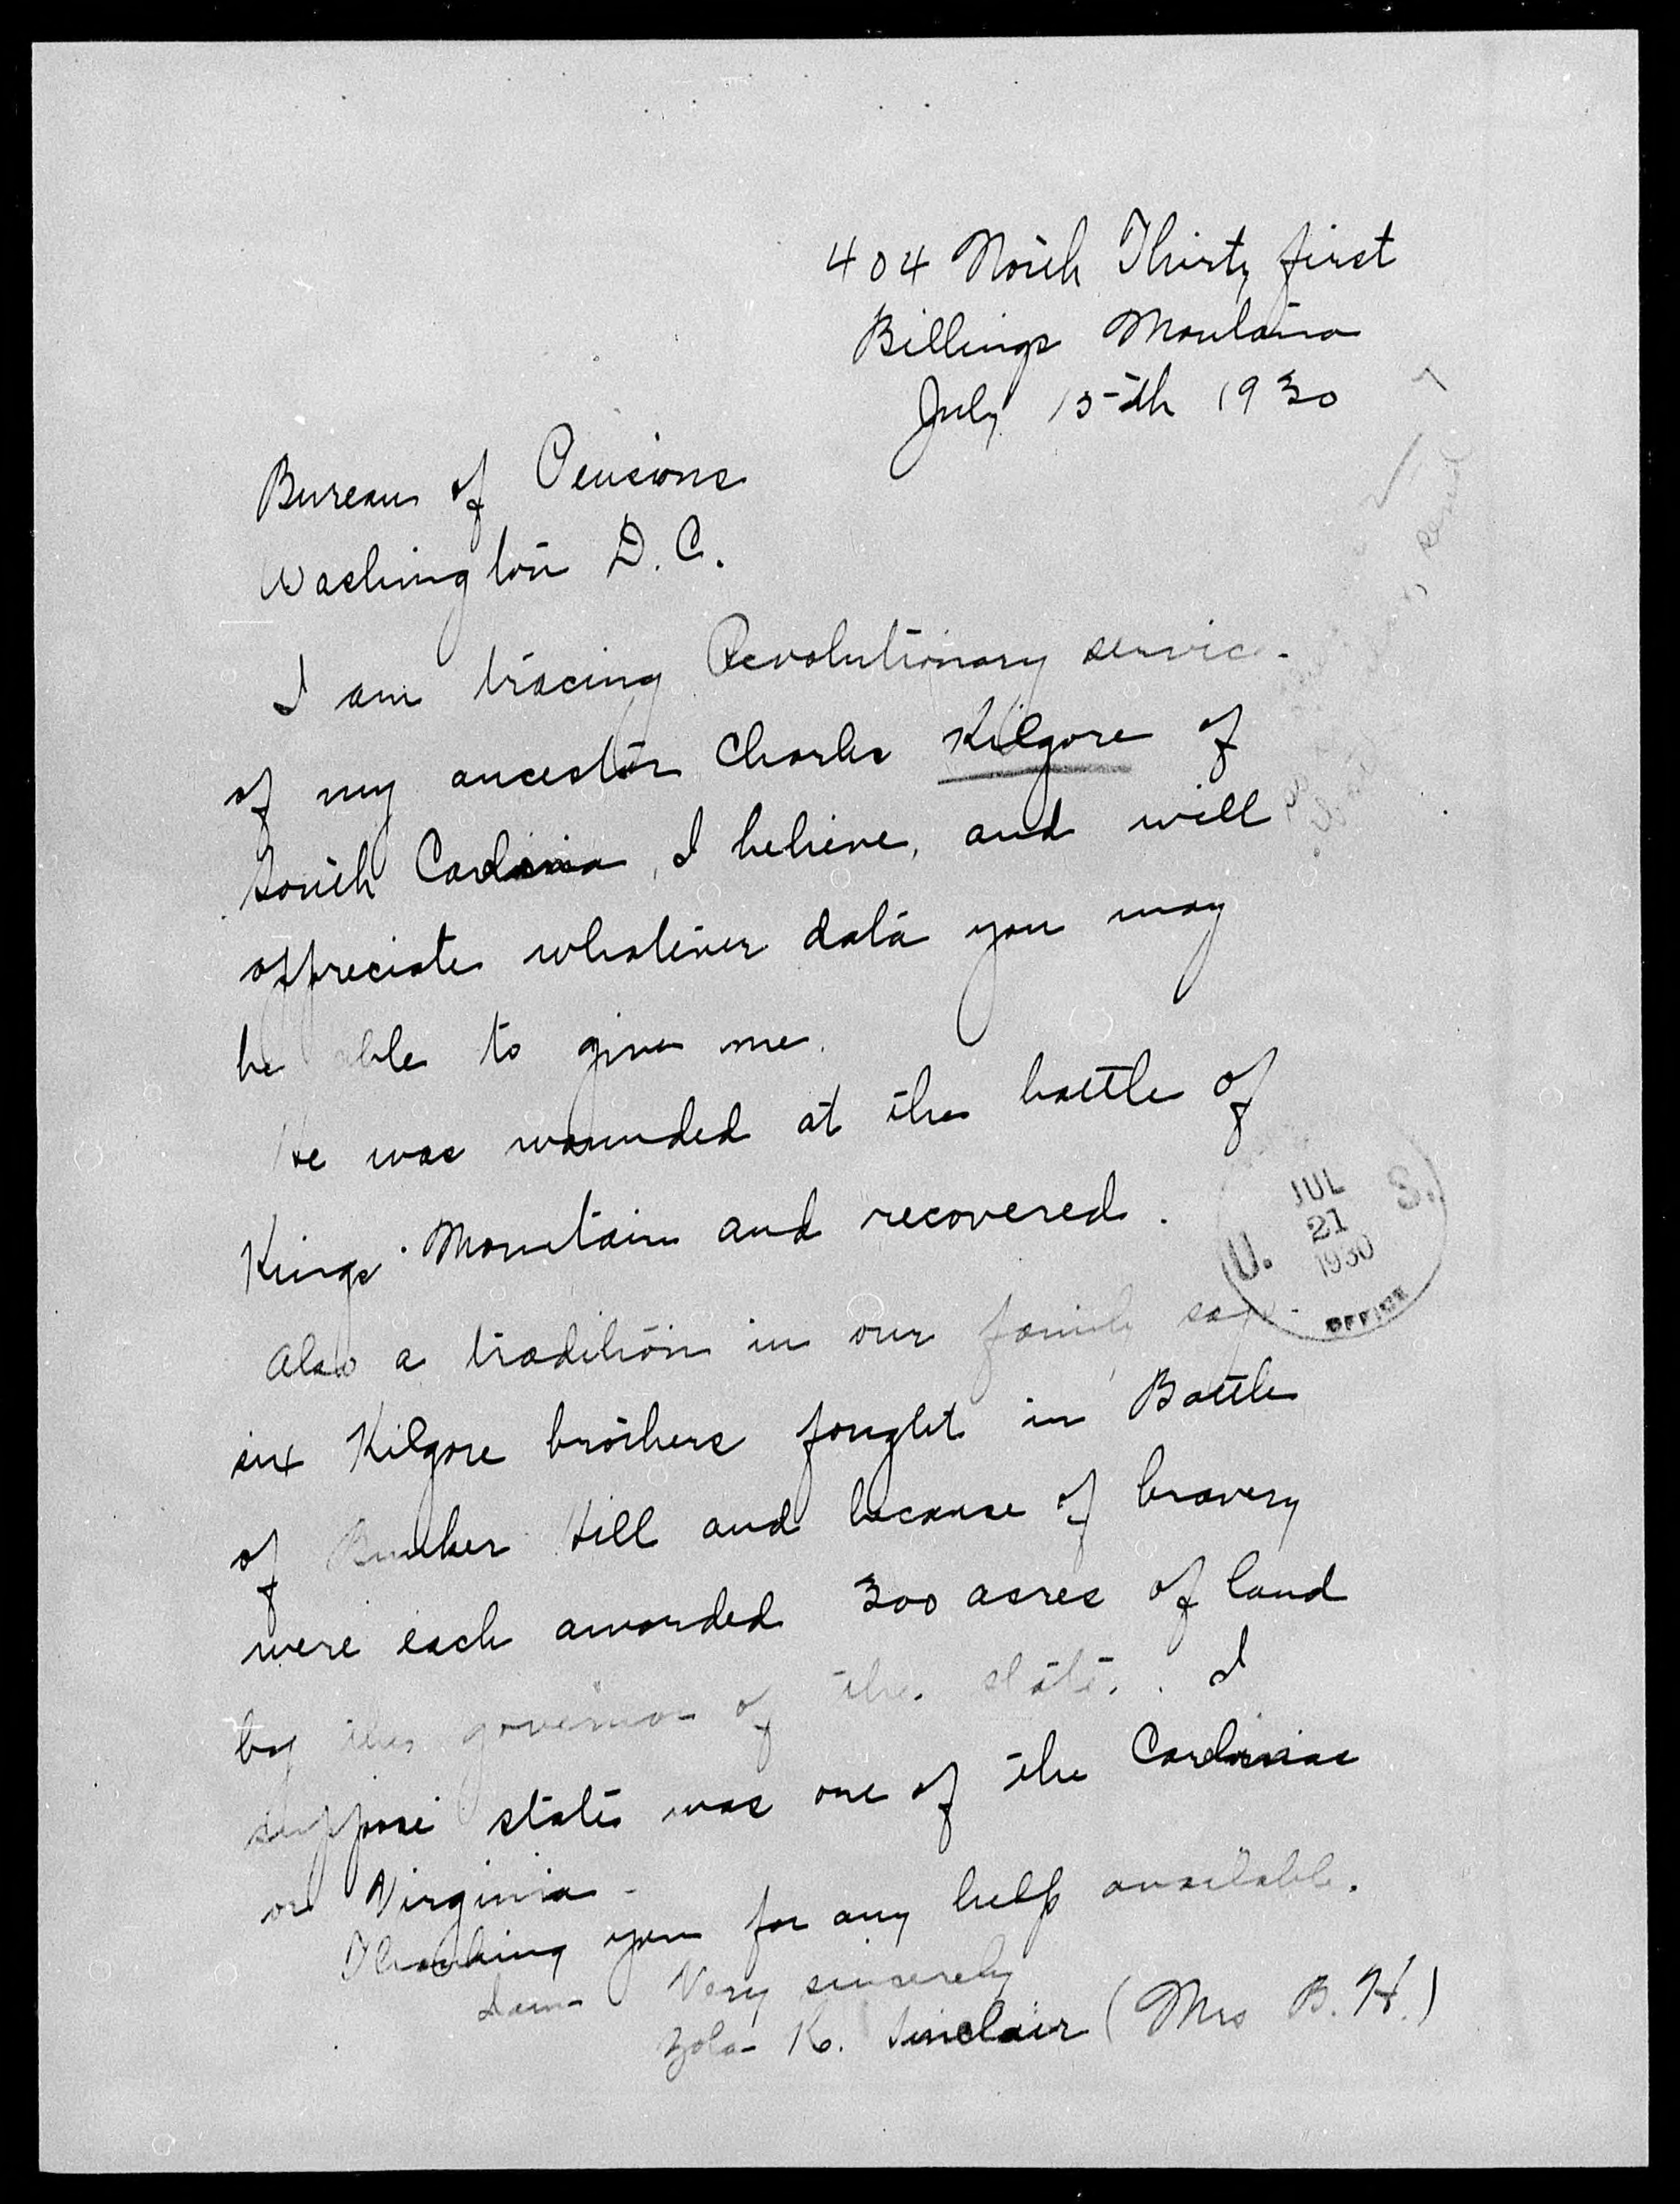404 North Thirty first
Billings Montana
July 15th 1930

Bureau of Pensions
Washington D. C.

I am tracing Revolutionary service of my ancestor Charles Kilgore of South Carolina, I believe, and will appreciate
whatever data you may be able to give me.
He was wounded at the battle of Kings
Mountain and recovered.
Also a tradition in our family says six Kilgore brothers fought in Battle of Bunker Hill and because of bravery were each awarded 300 acres of land by
this governor of the state. I suppose state was one of the Carolinas or Virginia.
Thanking you for any help available.
I am Very sincerely
Zola R. Sinclair (Mrs B.H.)

[stamped: U.S. [illegible] OFFICE, Jul 21 1930]

[the following is a handwritten note]
There are 2 so remember, send both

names: B H Sinclair; Zola R Sinclair; Charles Kilgore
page: 35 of 115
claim: survivor's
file: S. 699, for Charles Kilgore, Virginia